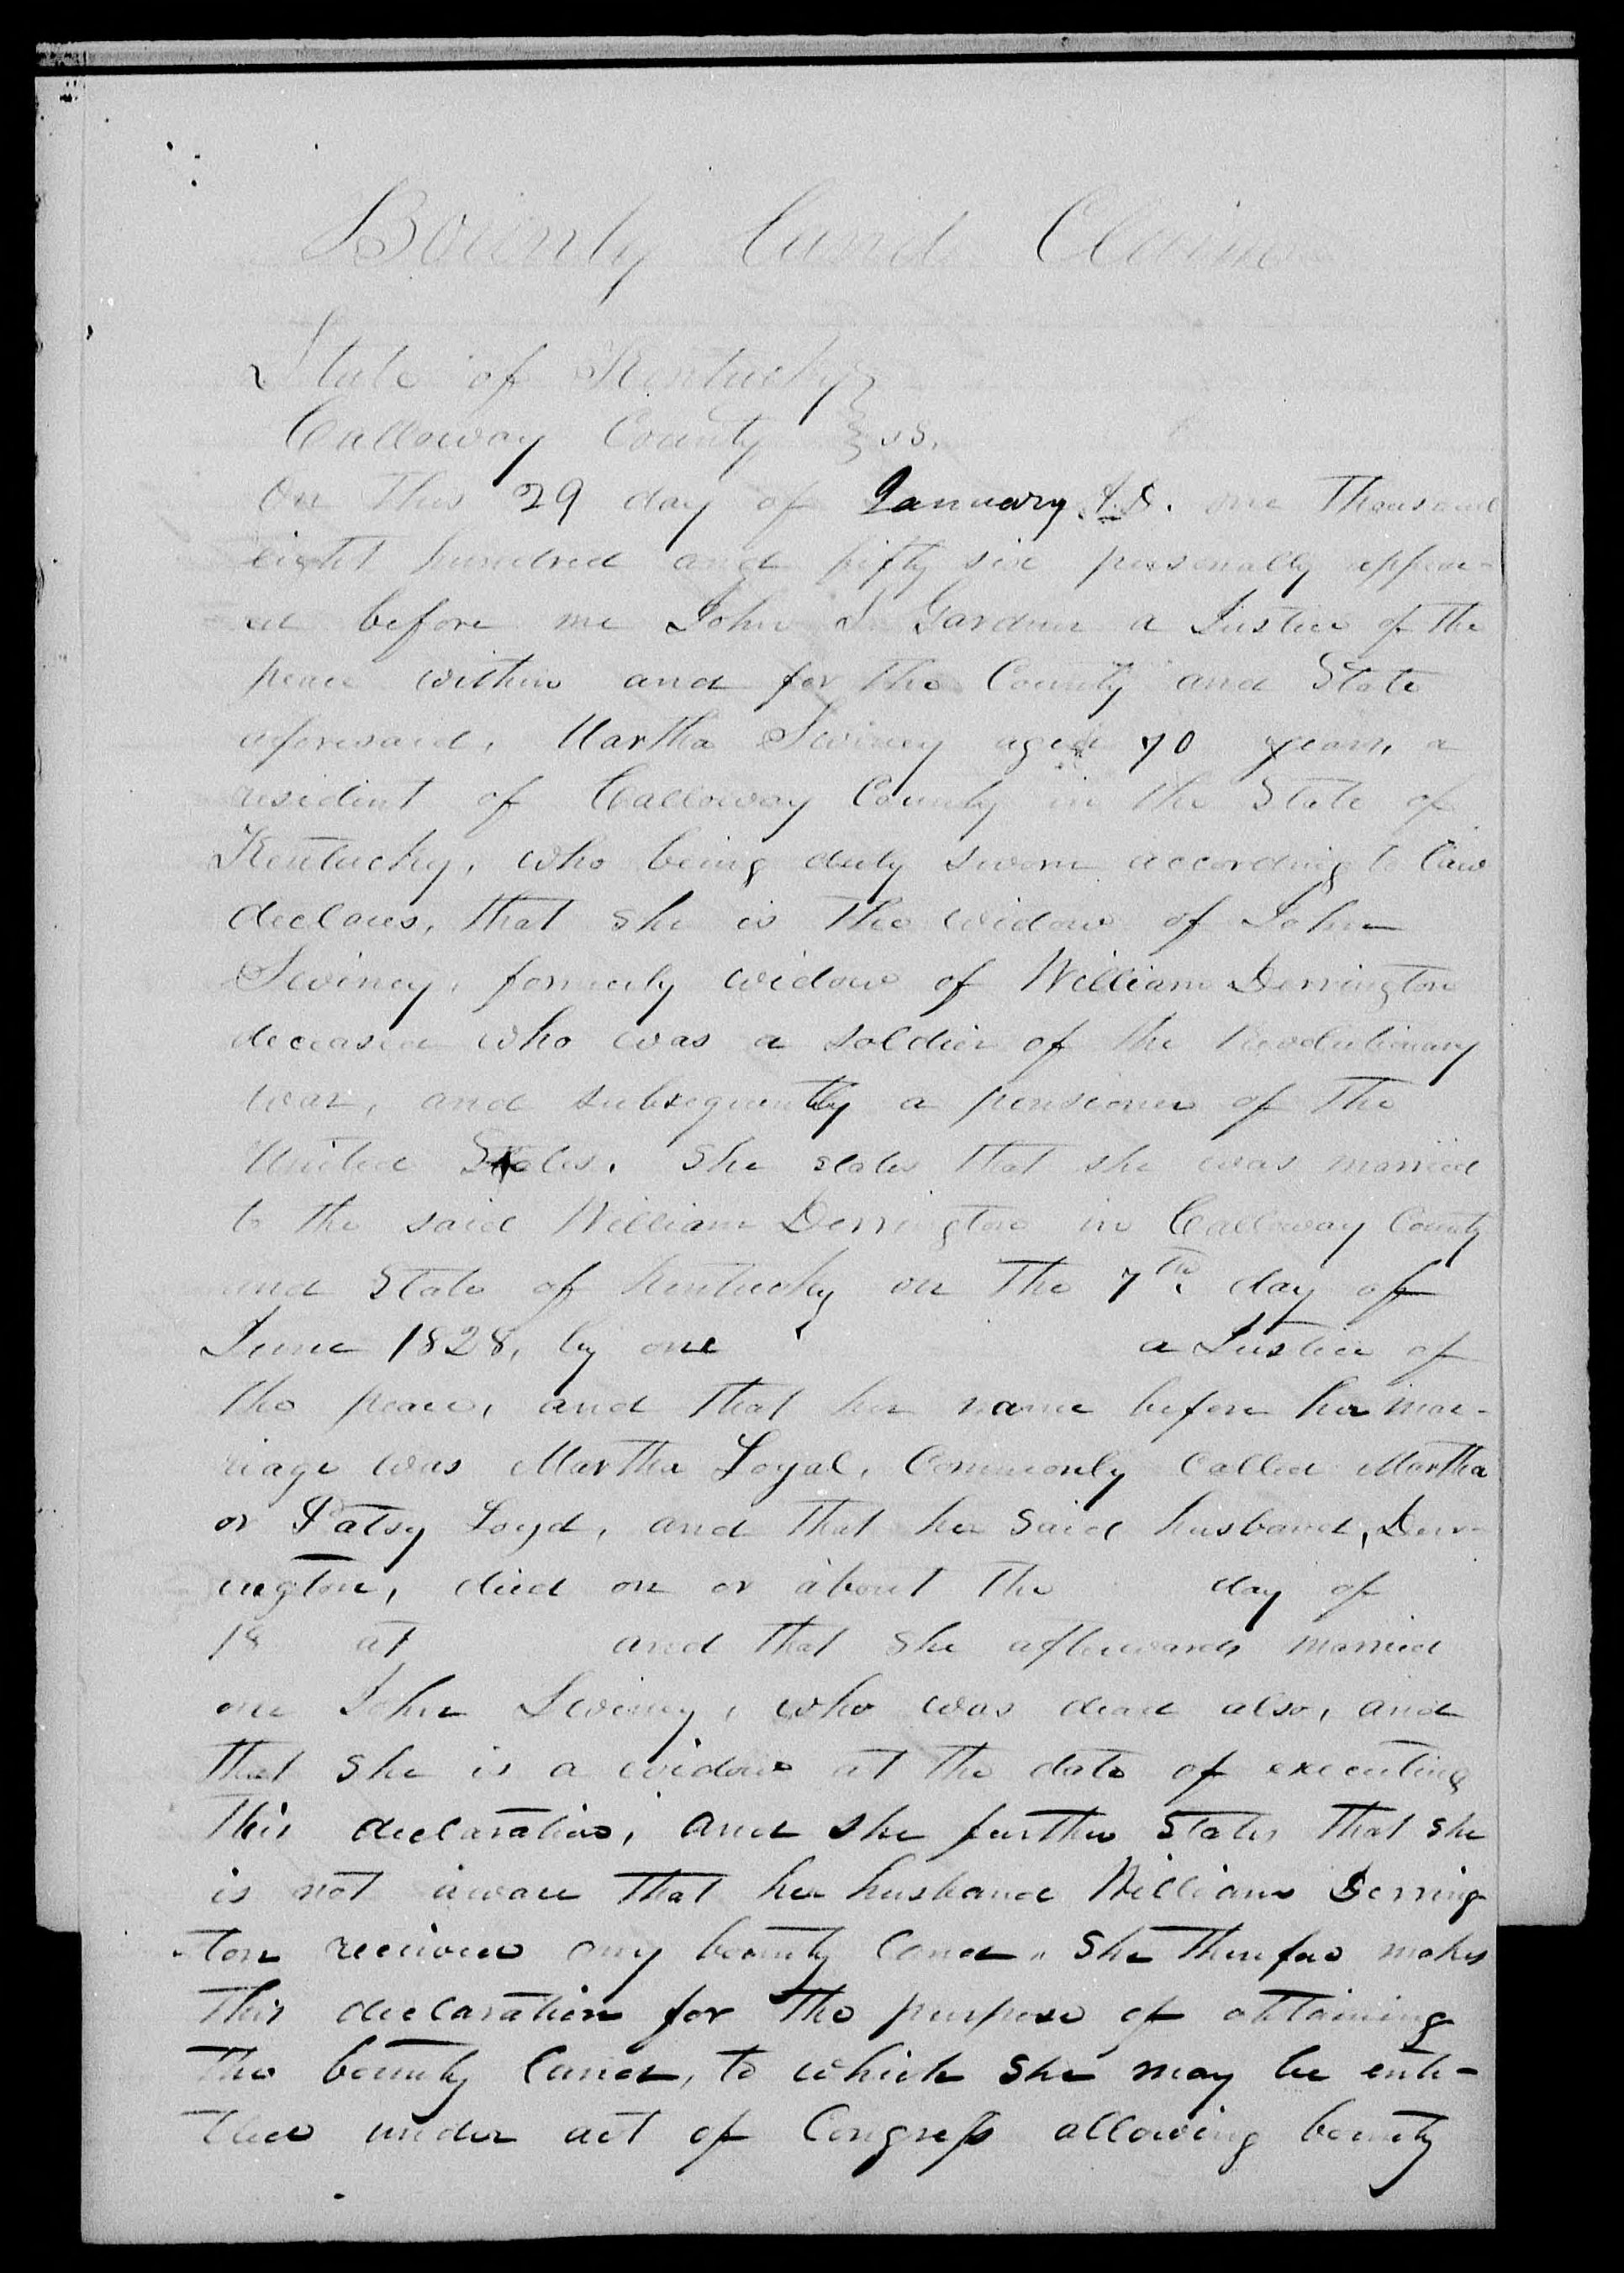Bounty Land Claim

State of Kentucky }
Calloway County   }. vs

On the 29 day of January A.D  one thousand eight hundred and fifty five personally appeared before me John Gardner  a Justice of the peace within and for the County and State aforesaid,  Martha Swiney age 70 years, a resident of Calloway County in the State of Kentucky, who being duly sworn according to law declares, that she is the widow of John Swiney, formerly widow of William Derrington decreased who was a soldier of the revolutionary war, and subsequently a pensioner of the United States, She states that she was married to the said William Derrington, in Calloway County and State of Kentucky on the 7th day of June 1828, by one __________ a Justice of the peace, and that her name before her marriage was Martha Loyal, commonly called Martha or Patsy Loyd, and that her said husband,  Derrington, died on or about the ___ day of __  18 __ __  and that she afterwards married one John Swiney, who was dead also, and that she is a widow at the date of exceeding this declaration, and she further states that she is not aware that her husband William Derrington received any bounty land. She therefore makes this declaration for the purpose of attaining the bounty land, to which she may be entitled under act of Congress allowing bounty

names: Martha Swiney, William Derrington, Martha Loyal, William Derrington, John Swiney, Patsy Loyd, John S Gardner, William Derrington, Derrington, John Swiney, Martha Loyd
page: 7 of 51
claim: widow's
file: W. 27,409, William Dunnington, Md.